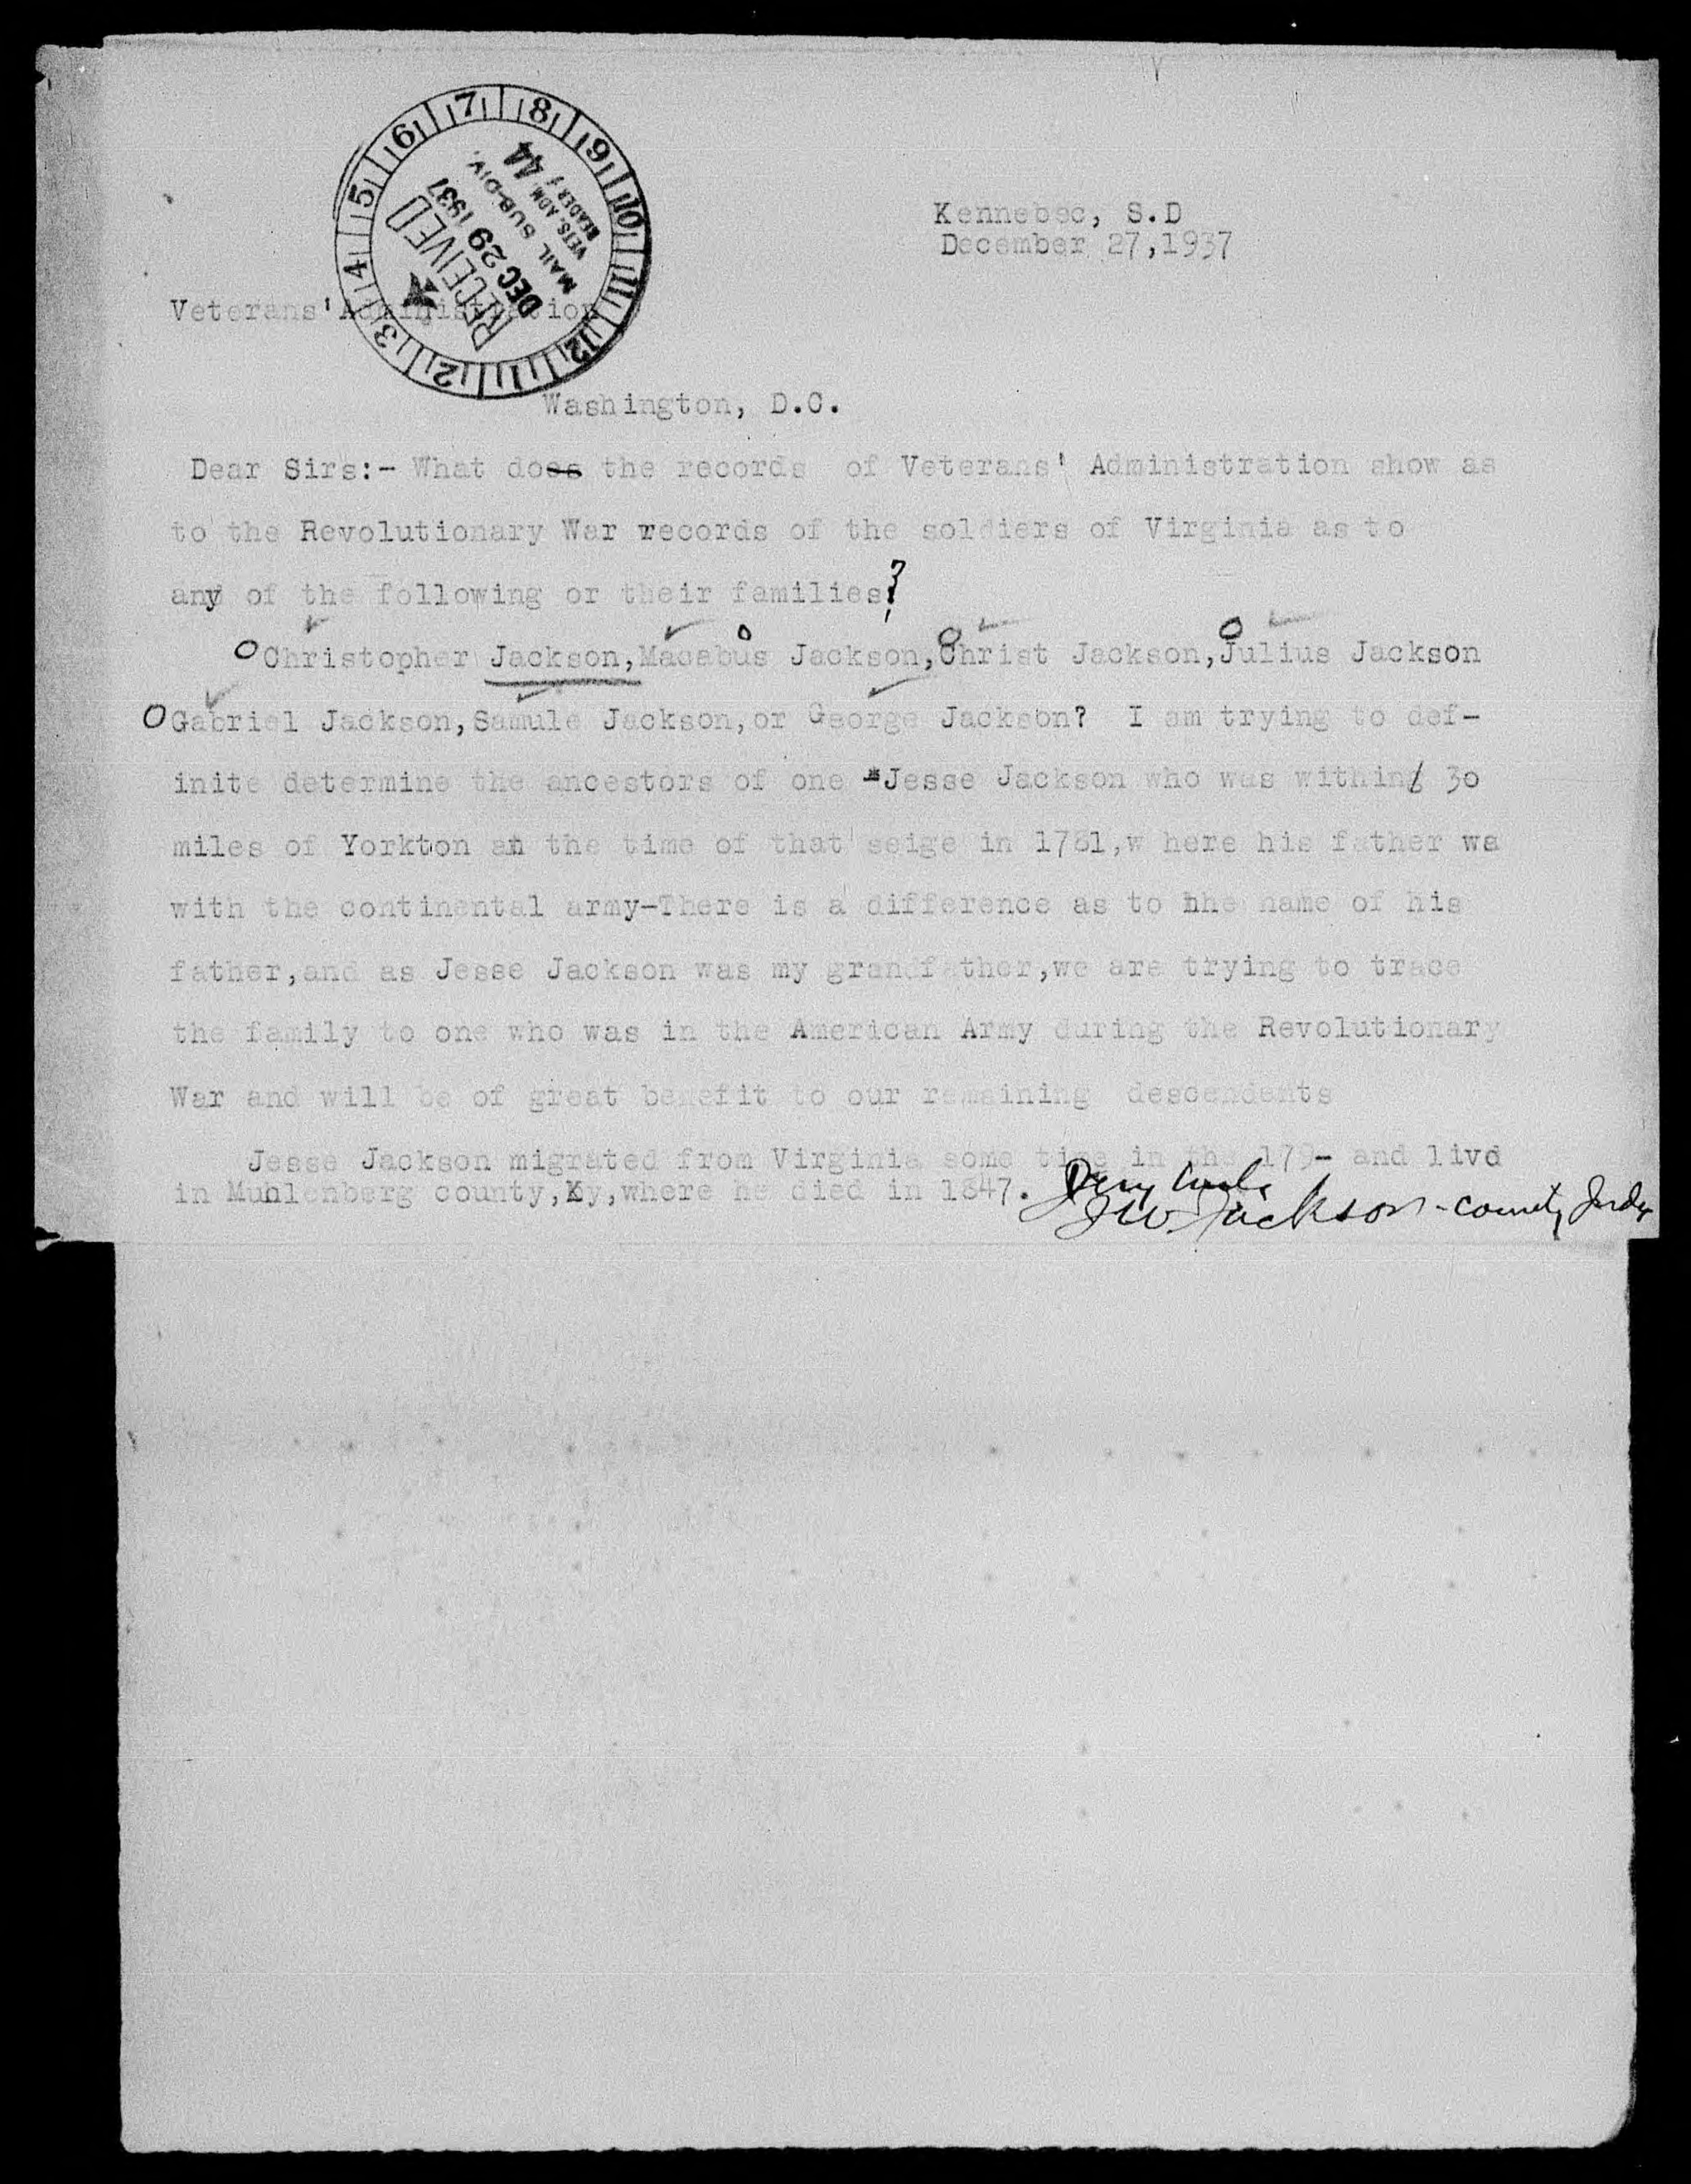Kennebec, S. D.
December 27, 1937

Veterans' Administration
Washington, D.C.

RECEIVED 
DEC 29 1937
MAIL SUB-DIV.
VETS ADM.
READER 44


Dear Sirs: -- What does the records of Veterans Administration show as
to the Revolutionary War records of the soldiers of Virginia as to
any of the following or their families?
Christopher Jackson, Macabus Jackson, Christ Jackson, Julius Jackson
Gabriel Jackson, Samuel Jackson, or George Jackson? I am trying to definite
determine the ancestors of one Jesse Jackson who was within 30
miles of Yorkton at the time of that seige in 1781, where his father was
with the continental army--there is a difference as to the name of his
father, and as Jesse Jackson was my grandfather, we are trying to trace
the family to one who was in the American Army during the Revolutionary 
War and will be of great benefit to our remaining descendents
Jesse Jackson migrated from Virginia some time in the 179- and livd
in Munlenberg County, Ky, where he died in 1847. 
[Two words, illegible]
JW Jackson - county July 6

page: 49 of 56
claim: rejected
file: R 5529, for Samuel Jackson, Virginia